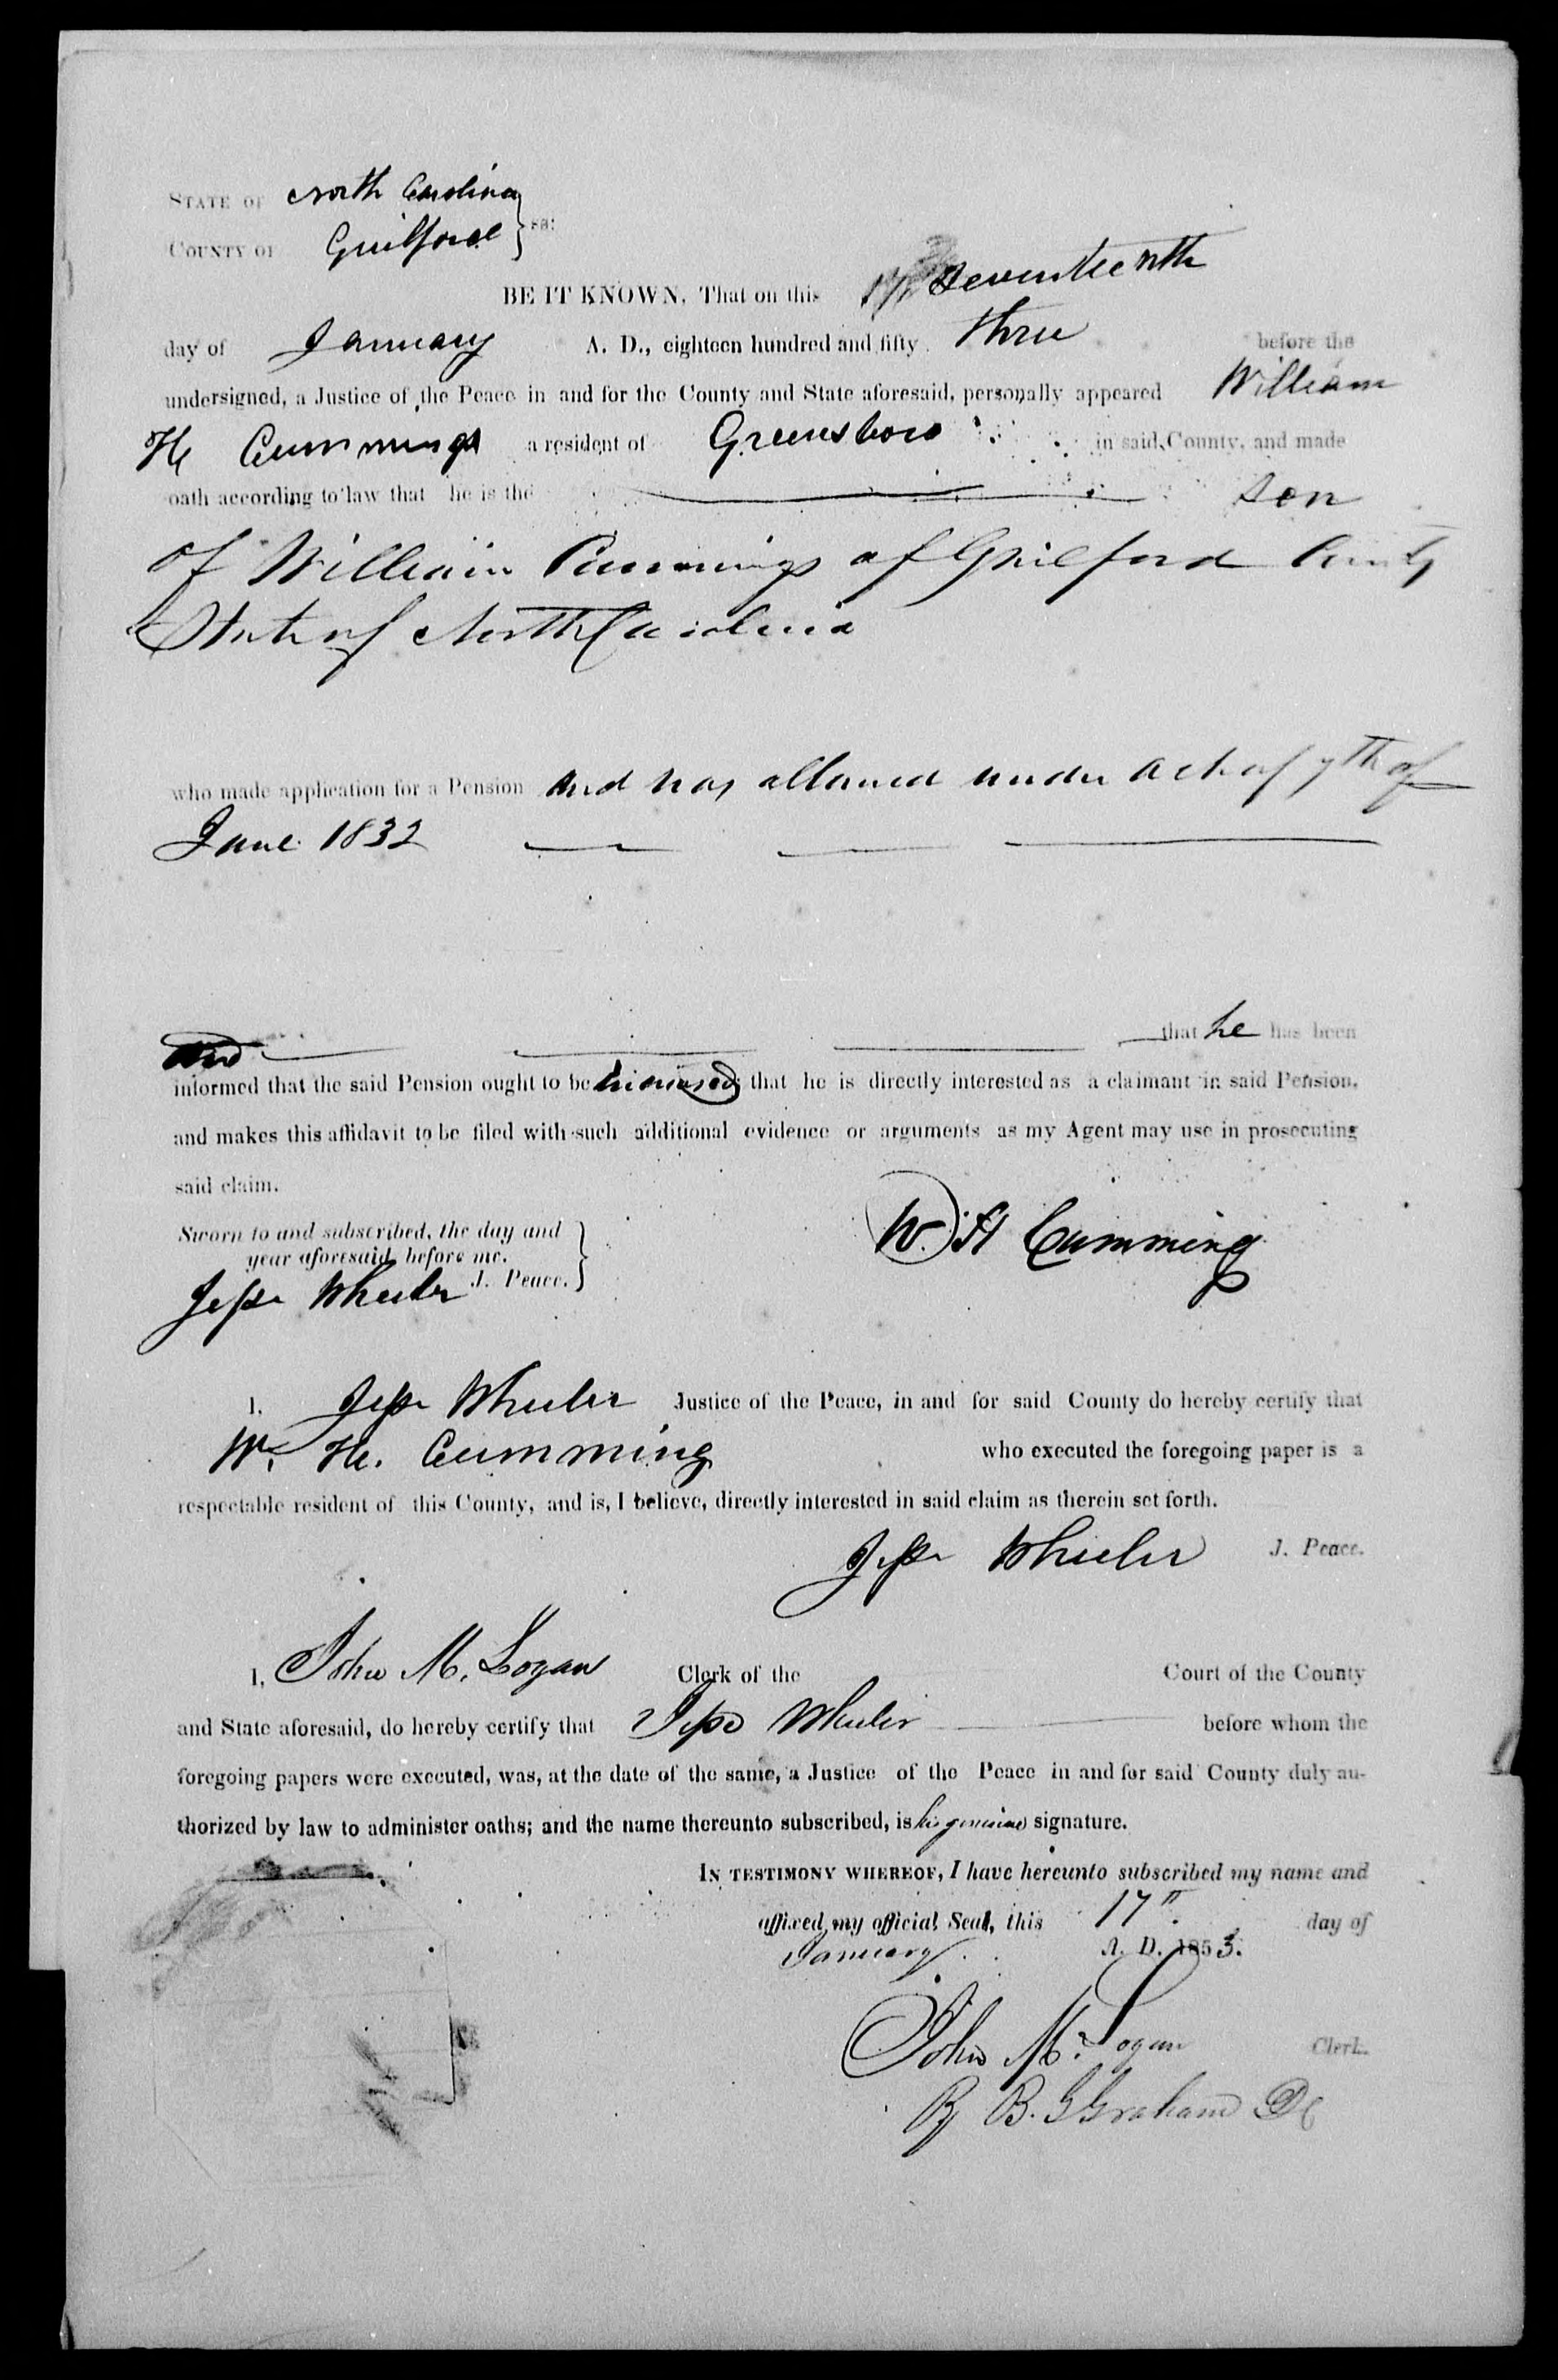[Printed form with handwritten answers.]

STATE OF North Carolina)
COUNTY OF Guilford) ss:

BE IT KNOWN, that on this seventeenth day of January A.D., eighteen hundred and fifty three before the undersigned, a Justice of the Peace in and for the County and State aforesaid, personally appeared William H Cummings a resident of Greensboro in said County, and made oath according to law that he is the son of William Cummings of Guilford County State of North Carolina who made application for a Pension and was allowed under Act of 7th of June 1832___

[?] and that he has been informed that the said Pension ought to be [?] dismissed; that he is directly interested as a claimant in said Pension, and makes this affidavit to be filed with such additional evidence or arguments as my Agent may use in prosecuting said claim.

[Signature, with a circle around the initial W.]   W. H. [or W. A] Cumming 

Sworn to and subscribed, the day and year aforesaid before me.)
[Signature] Jesse Wheelr  [or Wheeler] J. Peace [Justice of the Peace.) 

I, Jesse Wheeler Justice of the Peace, in and for said County do hereby certify that W. H. Cumming who executed the foregoing paper is a respectable resident of this County, and is, I believe, directly interested in said claim as therein set forth.

[Signature] Jesse Wheeler J. Peace [Justice of the Peace.]

I, John M. Logan Clerk of the ___ Court of the County and state aforesaid, do hereby certify that Jesse Wheeler before whom the foregoing papers were executed, was, at the date of the same, a Justice of the Peace in and for said County duly authorized by law to administer oaths, and the name thereunto subscribed, is his genuine signature.

[Near the left side margin of the page, there is a cut out octagonally-shaped piece of paper, which appears to be covering a wax impression of the seal of office, with an image of a woman with an extended arm showing through the paper.] 

IN TESTIMONY WHEREOF, I have hereunto subscribed my name and affixed my official Seal, this 17th day of January A.D. 1853.

John M. Logan. Clerk.
[?] By B. G. Graham DC [probably meaning Deputy Clerk]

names: W H Cumming, William Cummings, Jesse Wheeler, B G Graham, John M Logan, Jesse Wheeler, William H Cummings, Jesse Wheeler, John M Logan, W H Cumming, Jesse Wheeler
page: 107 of 145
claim: survivor's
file: S. 8265, William Cumming, N.C.